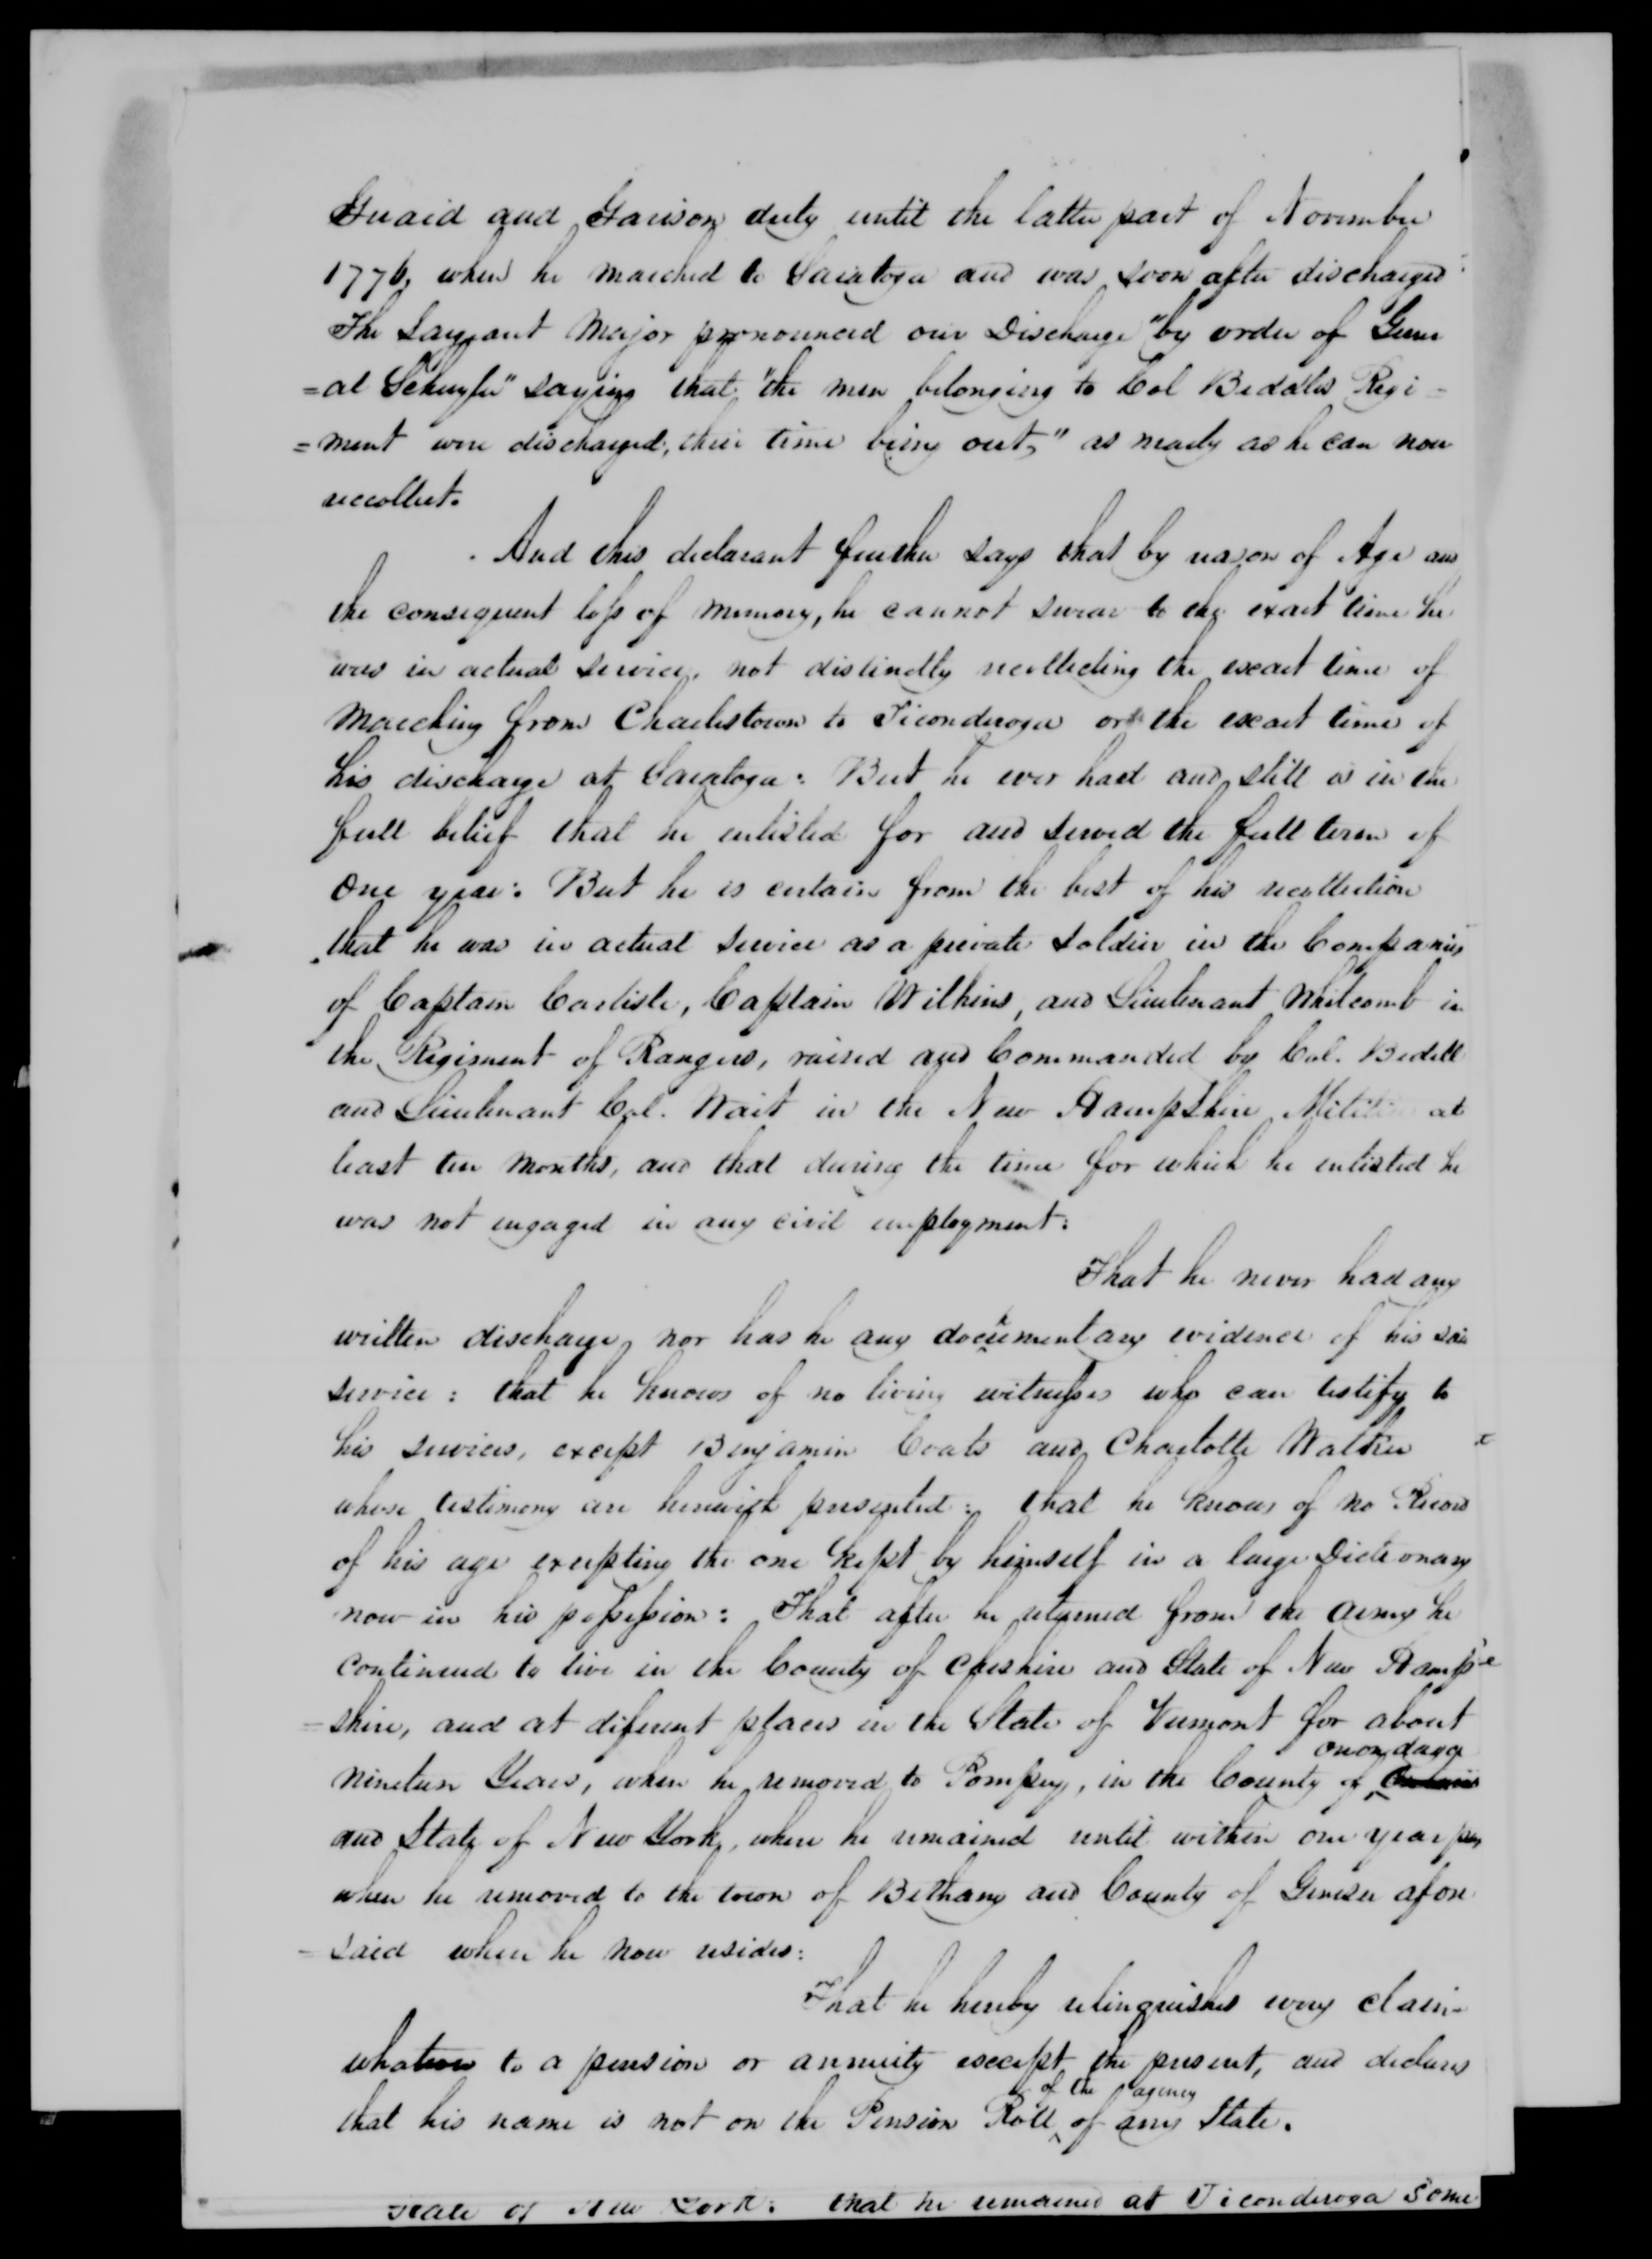Guard and Garrison duty until the latter part of November
1776, when he marched to Saratoga and was soon after discharged
The Sargent Major pronounced our discharge by order of Genl
Schuyler saying that the men belonging to Col Bidells regiment were discharged, their time being out, as many as he can now
recollect.
And this declarant further says that by reason of age and
the consequent loss of memory, he cannot swear to the exact time he
was in actual service, not distinctly recollecting the exact time of
marching from Charlestown to Ticonderoga or the exact time of
his discharge at Saratoga: But he ever had and still is in the
full belief that he enlisted for and served the full term of
one year: But he is certain from the best of his recollection
that he was in actual service as a private soldier in the Companies
of Captain Carlisle, Captain Wilkins, and Lieutenant Whitcomb in
the Regiment of Rangers, raised and commanded by Col. Bedell
and Lieutenant Col. Wait in the New Hampshire Militia at
least ten months, and that during the time for which he enlisted he
was not engaged in any civil employment.
That he never had any
written discharge nor has he any documentary evidence of his said
service: that he knows of no living witnesses who can testify to
his services, except Benjamin Coats and Charlotte Walker
whose testimony are herewith presented that he knows of no Record
of his age excepting the one kept by himself in a large Dictionary
now in his possession. That after he returned from the army he
continued to live in the County of Cheshire and State of New Hampshire, and at different places in the State of Vermont for about
ninetern years, when he removed to Pompey, in the County
and State of New York, where he remained until within one years
when he removed to the town of Bethany and County of Genesee afore
said when he now resides.
That he hereby relinquishes every claim
whatever to a pension or annuity except the present, and declares
that his name is not on the Pension Roll of any agency of any state.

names: Wilkins, Whitcomb, Bidell, Wait, Benjamin Coats, Carlisle, Charlotte Walker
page: 9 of 18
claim: survivor's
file: S. 11848, John Willard, N. H.